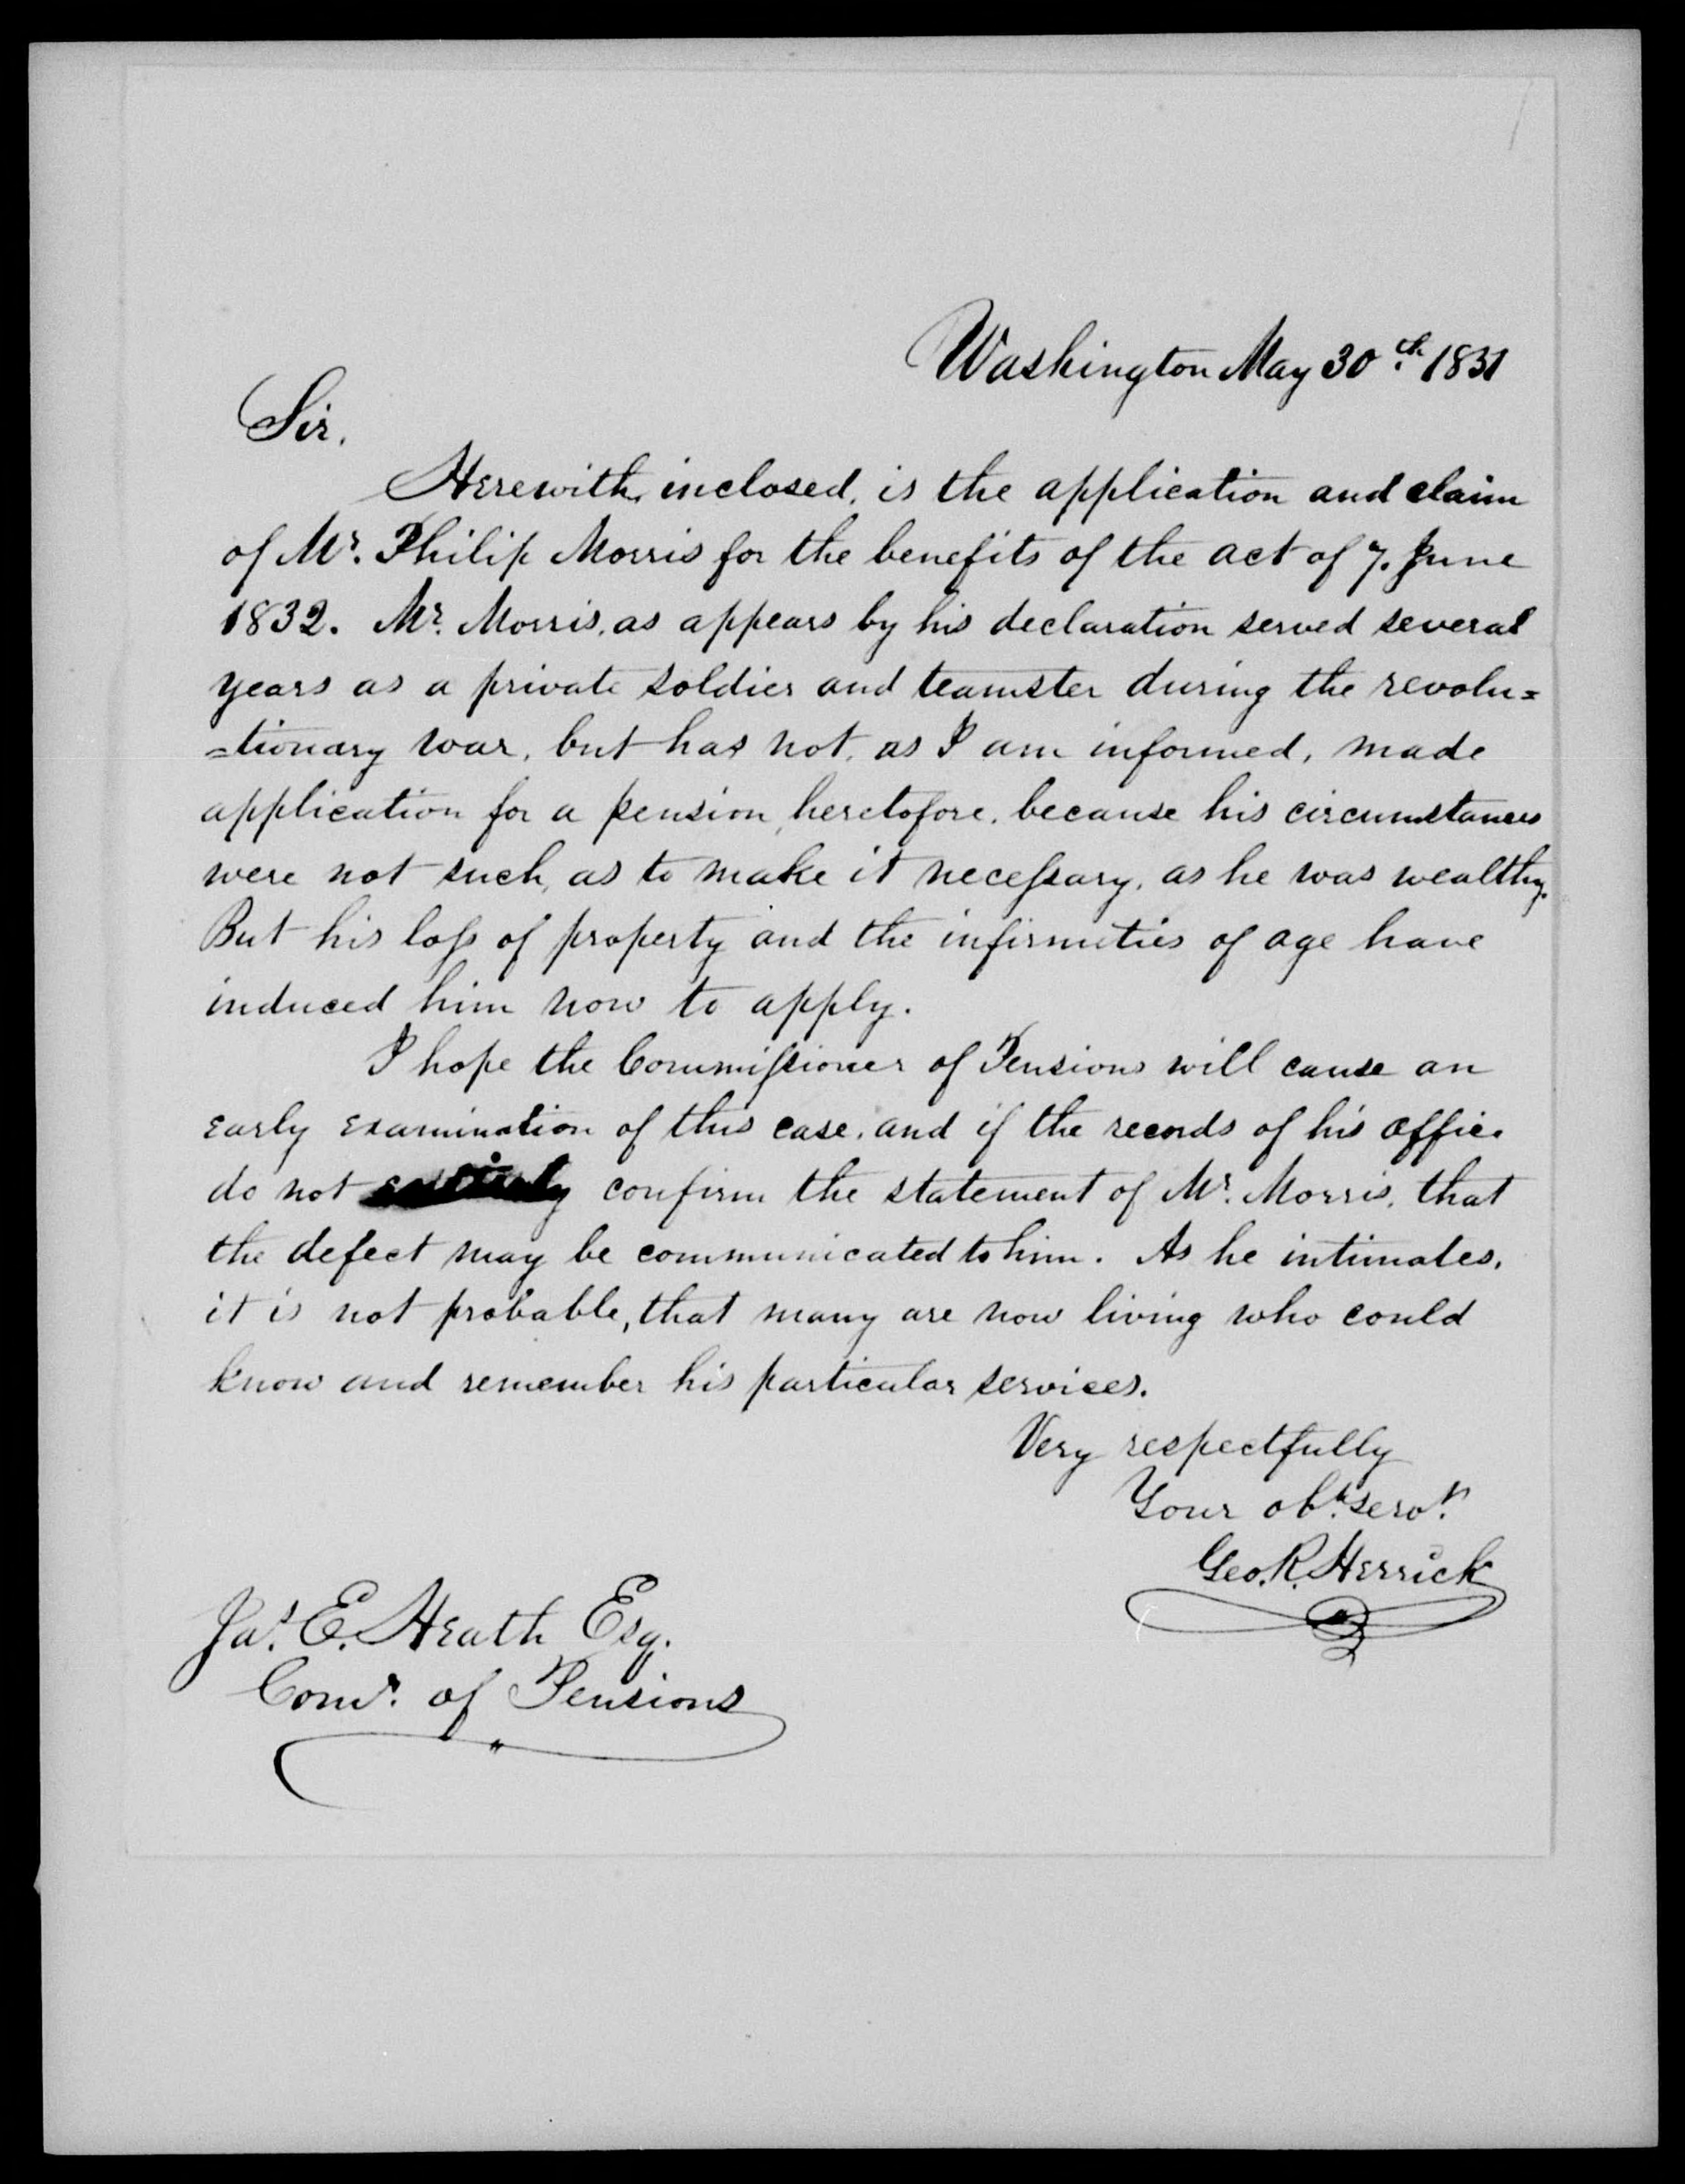Washington May 30th 1831

Sir,
Herewith inclosed is the application and claim of Mr. Philip Morris for the benefits od the act of 7 June 1832. Mr. Morris, as appears by his declaration served several years as a private soldier and teamster during the revolutionary war, but has not as I am informed made application for a pension heretofore because his circumstances were not such as to make it necessary as he was wealthy. But his loss of property and the infirmities of age have induced him now to apply.

I hope the Commissioner of Pensions will come to a early examination of this case, and if the records of his office do not confirm the statement of Mr. Morris that the defect may be communicated to him. As he intimates, it is not probable that many are now living who could know and remember his particular services.

Very respectfully
Your ob. serv.
Geo. R. Herrick

Jas. E. Heath Esq.
Com. of Pensions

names: Geo R Herrick; Philip Morris; Jas E Heath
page: 35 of 44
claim: survivor's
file: S. 28,815, for Philip Morris, Rhode Island